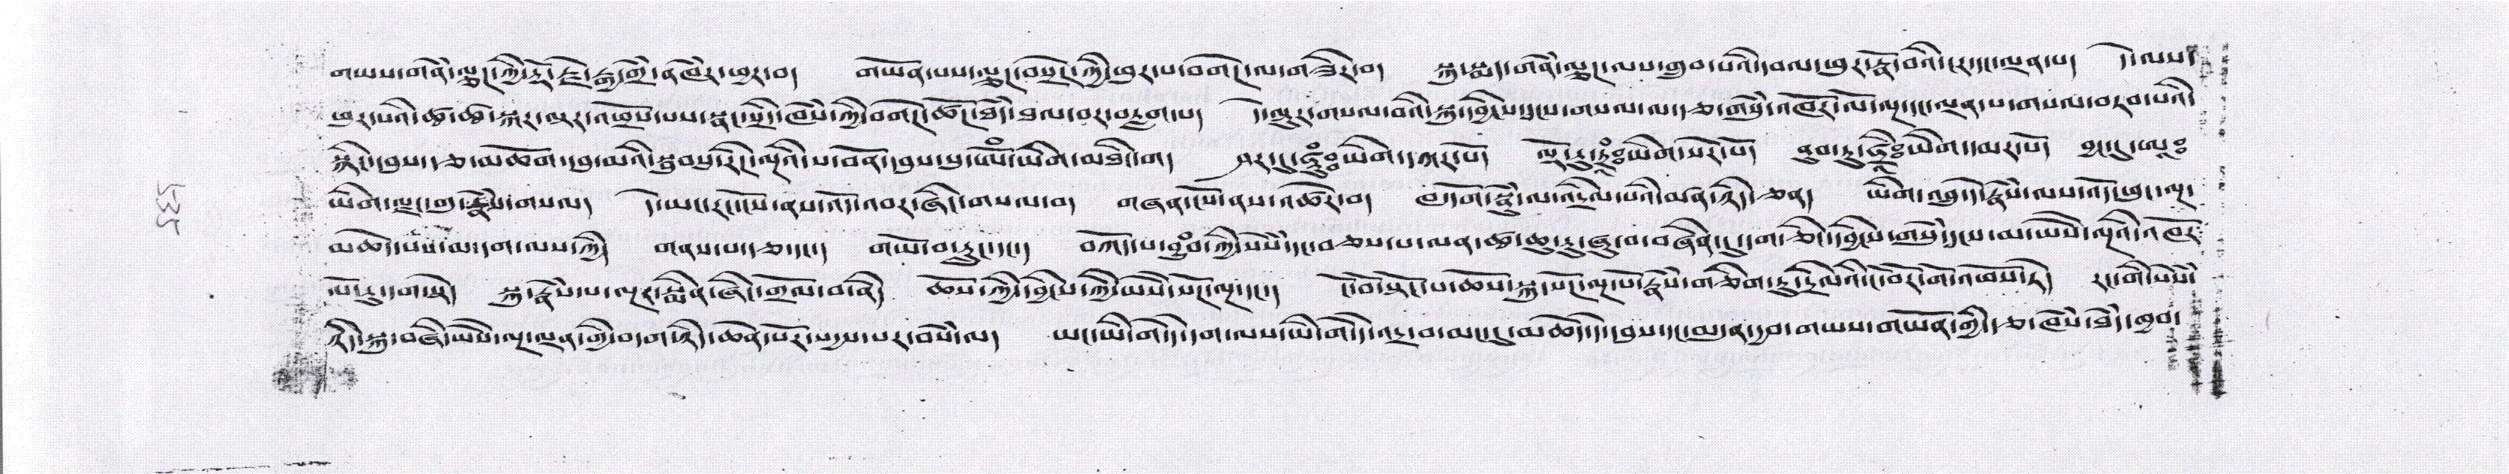གཡས་གནམ་ལྕགས་ཀྱི་རྡོ་རྗེ་རྒྱ་གྲམ་ནམ་མཁར་ཕྱར་བ། གཡོན་པས་ལྕགས་སྲེག་ཀྱི་ཕུར་པ་བགེགས་ལ་གཟིར་བ། སྐུ་སྨད་གནམ་ལྕགས་ལས་གྲུབ་པའི་དབལ་ཕུར་རྣོ་བའི་ངར་དང་ལྡན་པ། དེ་ལས་
ཕུར་པའི་ཚྭ་ཚྭ་སྐར་ལྟར་འཕྲོས་པས་སྣང་སྲིད་ཁམས་ཀྱི་བགེགས་ཚོགས་ཐམས་ཅད་ཐལ་བར་བརླག་པ། དེ་ལྟ་བུར་གསལ་བའི་སྐུ་དབྱིངས་དྭངས་གསལ་ལ་རྩ་གསུམ་འཁོར་ལོ་ལྔ་དང་ལྡན་པ་གསལ་བཏབ་པའི་
སྙིང་དབུས་རྩ་མཆོག་དབུ་མའི་སྦུབས་སུ་རིགས་ལྔའི་ས་བོན་དབུས་སུ་ཨོཾཿཡིག་མཐིང་ག། ཤར་དུ་ཧཱུཾཿཡིག་དཀར་པོ། ལྷོ་རུ་ཏྲཾཿཡིག་སེར་པོ། ནུབ་ཏུ་ཧྲིཿཡིག་དམར་པོ། བྱང་དུ་ཨཱཿ
ཡིག་ལྗང་གུ་རྣམས་གསལ། དེ་ཡང་རང་ངོས་ནས་འོད་འབར་ཞིང་གསལ་བ། གཞན་ངོས་ནས་འཚེར་བ། ཁ་དོག་སྣུམ་ལ་འདྲིལ་བའི་མཚན་ཉིད་ཅན། ཡིག་འབྲུ་དེ་རྣམས་ལས་འོད་ཕུང་ལྔ་
མཆེད་པས་མ་དག་ལས་ཀྱི། གནས་པ་རྩ་དང་། གཡོ་བ་རླུང་། བཀོད་པ་བྱང་ཆུབ་ཀྱི་སེམས་དང་བཅས་པ། ལན་ཚྭ་ཆུ་རུ་ཞུ་བ་བཞིན་དུ་དག་ཅིང་དབྱིངས་གསུམ་དྭངས་མ་ཡེ་ཤེས་ལྔ་ཡི་འཁོར་
ལོ་རུ་དག་སྟེ། སྐུ་རྣམས་ལ་སྔར་སྨིན་ཞིང་གྲོལ་བ་ནི། ཆོས་ཀྱི་དབྱིངས་ཀྱི་ཡེ་ཤེས་སོགས་ལྔ་དང་། ངོ་བོ་སྟོང་པ་ཆོས་སྐུ་སོིགས་ལྔ་པོ་གཅིག་ཏུ་དྲིལ་བའི་ངོ་བོར་གོ་འཕོས་ཏེ། རང་གི་སེམས་
ཉིད་སྐུ་བཞི་ཡེ་ཤེས་ལྔ་ལྡན་གྱི་བདག་ཉིད་ཆེན་པོར་སངས་རྒྱས་པར་བསམ་ལ། ཡང་ཡི་གེ་དེ་དག་ལས་ཡི་གེ་དེ་འདྲ་བ་མང་དུ་མཆེད་དེ་དབུས་དང་མདུན་རྒྱབ་གཡས་གཡོན་གྱི་རྩ་ཁམས་ཐམས་ཅད་ཁྱབ་